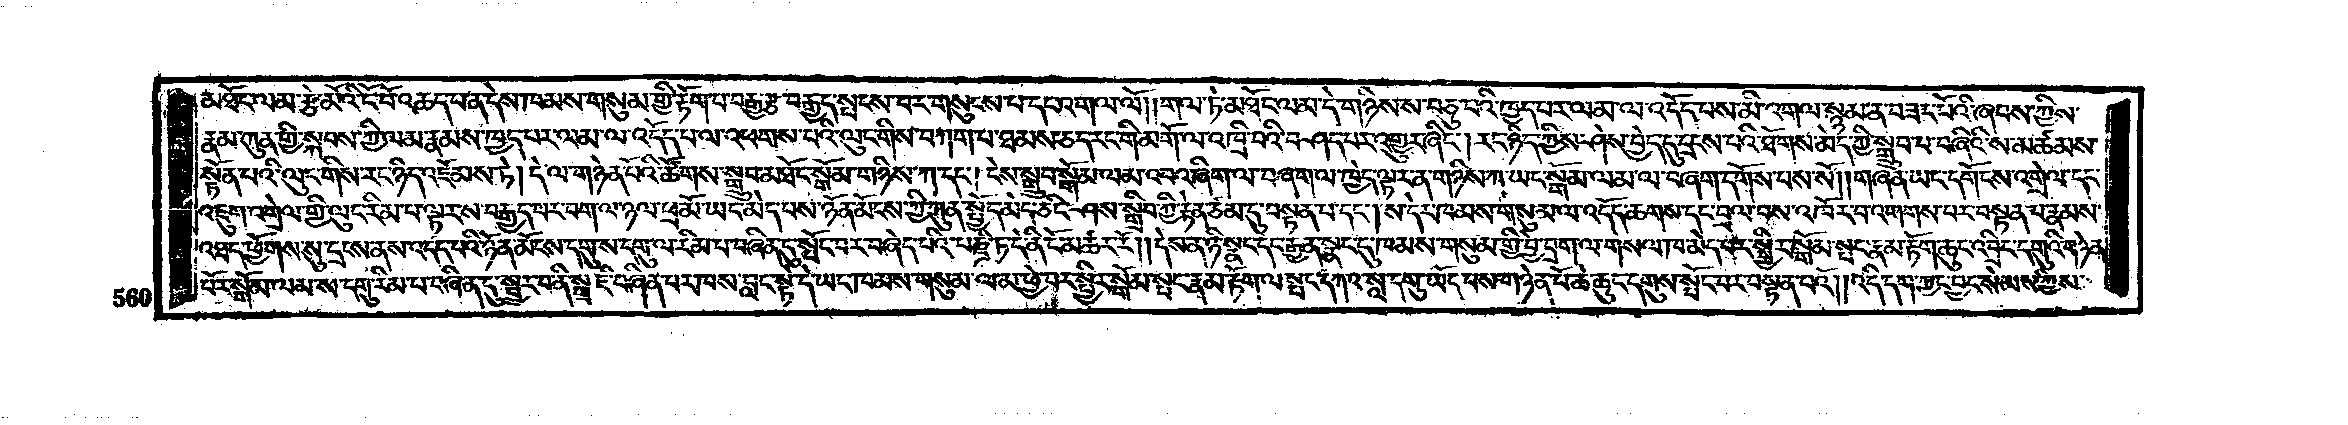མཐོང་ལམ་རྩེ་མོའི་ངོ་བོ་འཆད་པ་ན་དེས་ཁམས་གསུམ་གྱི་རྟོག་པ་བརྒྱ་རྩ་བརྒྱད་སྤངས་པར་གསུངས་པ་དང་འགལ་ལོ། །གལ་ཏེ་མཐོང་ལམ་དེ་གཉིས་ས་བཅུ་པའི་ཁྱད་པར་ལམ་ལ་འདོད་པས་མི་འགལ་སྙམ་ན་བཟང་པོའི་ཞབས་ཀྱིས་
རྣམ་ཀུན་གྱི་སྐབས་ཀྱི་ལམ་རྣམས་ཁྱད་པར་ལམ་ལ་འདོད་པ་ལ་འཕགས་པའི་ལུང་གིས་བཀག་པ་ཐམས་ཅད་རང་གི་མགོ་ལ་འཁྲི་བའི་བཤད་པར་འགྱུར་ཞིང་། རང་ཉིད་ཀྱིས་ཤེས་བྱེད་དུ་དྲངས་པའི་ཐོགས་མེད་ཀྱི་སྒྲུབ་པ་བཞིའི་ས་མཚམས་
སྟོན་པའི་ལུང་གིས་རང་ཉིད་འཇོམས་ཏེ། དེ་ལ་གཉེན་པོའི་ཚོགས་སྒྲུབ་མཐོང་སྒོམ་གཉིས་ཀ་དང་། དེས་སྒྲུབ་སྒོམ་ལམ་འབའ་ཞིག་ལ་བཞག་ལ་ཁྱེད་ལྟར་ན་གཉིས་ཀ་ཡང་སྒོམ་ལམ་ལ་བཞག་དགོས་པས་སོ། །གཞན་ཡང་དགོངས་འགྲེལ་དང་
འཇུག་འགྲེལ་གྱི་ལུང་རིམ་པ་ལྟར་ས་བརྒྱད་པར་བག་ལ་ཉལ་ཕྲ་མོ་ཡང་མེད་པས་ཉོན་མོངས་ཀྱི་ཀུན་སྤྱོད་མེད་ཙང་ཤས་སྒྲིབ་ཀྱི་རྟེན་ཙམ་དུ་བསྟན་པ་དང་། ས་དེར་ཁམས་གསུམ་ལ་འདོད་ཆགས་དང་བྲལ་བས་འཁོར་བ་འགགས་པར་བསྟན་པ་རྣམས་
འཐད་ཕྱོགས་སུ་དྲངས་ནས་འདོད་པའི་ཉོན་མོངས་དགུ་ས་དགུ་ལ་རིམ་པ་བཞིན་དུ་སྤོང་བར་བཞེད་པའི་པཎྜི་ཏ་དེ་ནི་ངོ་མཚར་རོ། །དེས་ན་ཉི་སྣང་དང་རྒྱན་སྣང་དུ་ཁམས་གསུམ་གྱི་བྱེ་བྲག་ལ་གསལ་ཁ་མེད་པར་སྤྱིར་སྒོམ་སྤང་རྣམ་རྟོག་ཆུང་འབྲིང་དགུའི་གཉེན་
པོར་སྒོམ་ལམ་ས་དགུ་རིམ་པ་བཞིན་དུ་སྦྱར་བ་ནི་སྒྲ་ཇི་བཞིན་པར་ཁས་བླང་སྟེ་དེ་ཡང་ཁམས་གསུམ་ལ་མ་ཕྱེ་བར་སྤྱིར་སྒོམ་སྤང་རྣམ་རྟོག་ལ་སྤང་དཀའ་སླ་དགུ་ཡོད་པས་གཉེན་པོ་ཆེ་ཆུང་དགུས་སྤོང་བར་བསྟན་པའོ། །འདི་དག་ཀྱང་བྱང་སེམས་ཀྱིས་